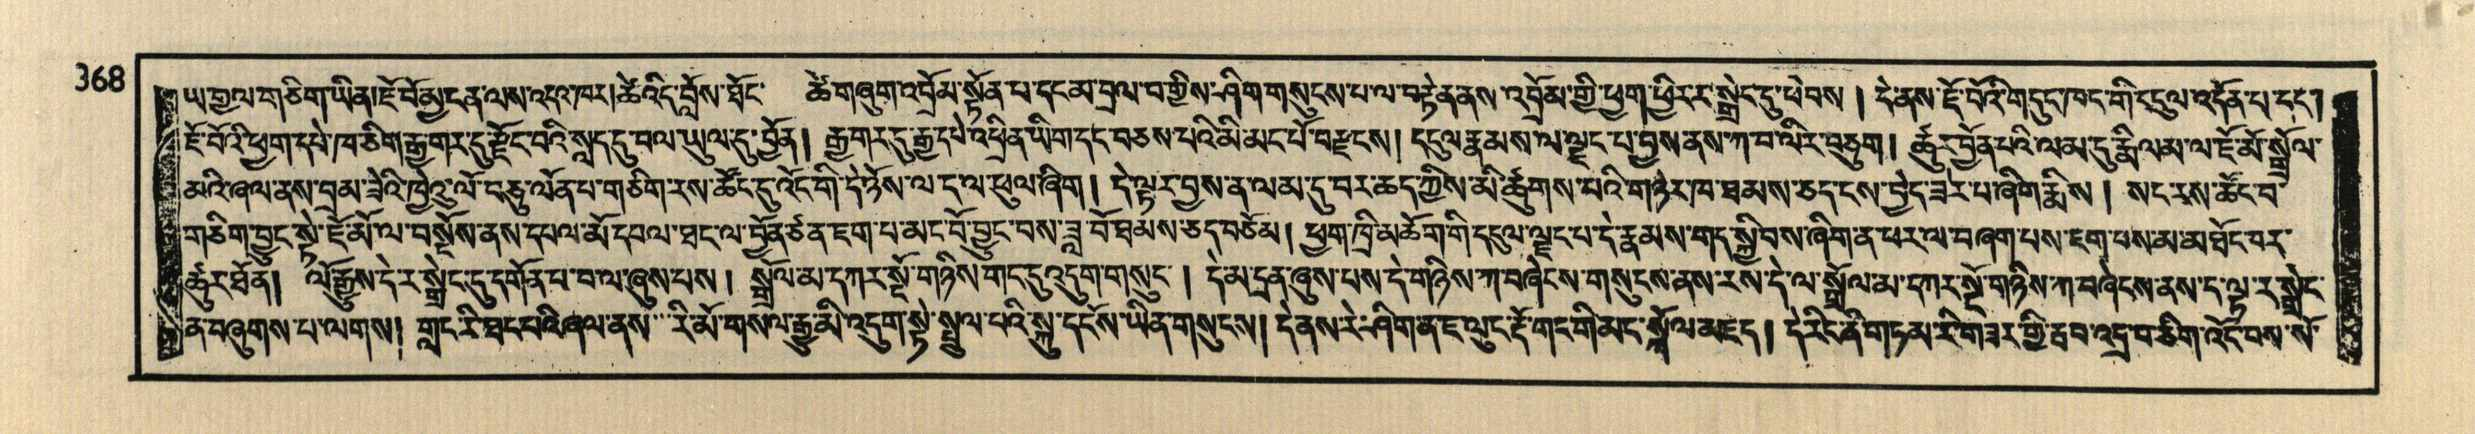ཡ་གྱལ་གཅིག་ཡིན། ཇོ་བོ་མྱ་ངན་ལས་འདའ་ཁར། ཚེ་འདི་བློས་ཐོང་ཚེ་གཞུག་འབྲོམ་སྟོན་པ་དང་མ་བྲལ་བ་གྱིས་ཤིག་གསུངས་པ་ལ་བརྟེན་ནས་འབྲོམ་གྱི་ཕྱག་ཕྱིར་ར་སྒྲེང་དུ་འཕེབས། དེ་ནས་ཇོ་བོའི་གདུང་ཁང་གི་དངུལ་འདོན་པ་དང་།
ཇོ་བོའི་ཕྱག་དཔེ་ཁ་ཅིག་རྒྱ་གར་དུ་རྫོང་བའི་སླད་དུ་བལ་ཡུལ་དུ་བྱོན། རྒྱ་གར་དུ་རྒྱ་དཔེ་འཕྲིན་ཡིག་དང་བཅས་པའི་མི་མང་པོ་བརྫངས། དངུལ་རྣམས་ལ་ལྗང་པ་བྱས་ནས་ཀ་བ་ལིར་བཅུག། ཚུར་བྱོན་པའི་ལམ་དུ་རྨི་ལམ་ལ་ཇོ་མོ་སྒྲོལ་
མའི་ཞལ་ནས་བྲམ་ཟེའི་ཁྱེའུ་ལོ་བཅུ་ལོན་པ་གཅིག་རས་ཚོང་དུ་འོང་གི་དེ་ཉོས་ལ་ང་ལ་ཕུལ་ཞིག། དེ་ལྟར་བྱས་ན་ལམ་དུ་བར་ཆད་ཀྱིས་མི་ཚུགས་པའི་གཉེར་ཁ་ཐམས་ཅད་ངས་བྱེད་ཟེར་པ་ཞིག་རྨིས། སང་རས་ཚོང་བ་
གཅིག་བྱུང་སྟེ་ཇོ་མོ་ལ་བསྔོས་ནས་དཔལ་མོ་དབལ་ཐང་ལ་བྱོན་ཙན་ཇག་པ་མང་བོ་བྱུང་བས་ཟླ་བོ་ཐམས་ཅད་བཅོམ། ཕྱག་ཁྲི་མཆོག་གི་དངུལ་ལྗང་པ་དེ་རྣམས་གད་སྐྱིབས་ཞིག་ན་ཕར་ལ་བཞག་པས་ཇག་པས་མ་མཐོང་བར་
ཚུར་ཐོན། ལོ་རྒྱུས་དེར་སྒྲེང་དུ་དགོན་པ་བ་ལ་ཞུས་པས། སྒྲོལ་མ་དཀར་སྔོ་གཉིས་གང་དུ་འདུག་གསུང་། དེ་མ་དྲན་ཞུས་པས་དེ་གཉིས་ཀ་བཞེངས་གསུངས་ནས་རས་དེ་ལ་སྒྲོལ་མ་དཀར་སྔོ་གཉིས་ཀ་བཞེངས་ནས་ད་ལྟ་ར་སྒྲེང་
ན་བཞུགས་པ་ལགས། གླང་རི་ཐང་བའི་ཞལ་ནས་རི་མོ་གསལ་རྒྱུ་མི་འདུག་སྟེ་སྤྲུལ་པའི་སྐུ་དངོས་ཡིན་གསུངས། དེ་ནས་རེ་ཤིག་ན་ཇ་ལུང་རྡོ་གང་གི་མང་སྐོལ་མཛད། དེ་རིང་ནི་གཏམ་རི་གཟར་གྱི་རྦབ་འདྲ་བ་ཅིག་འོང་བས་སོ་